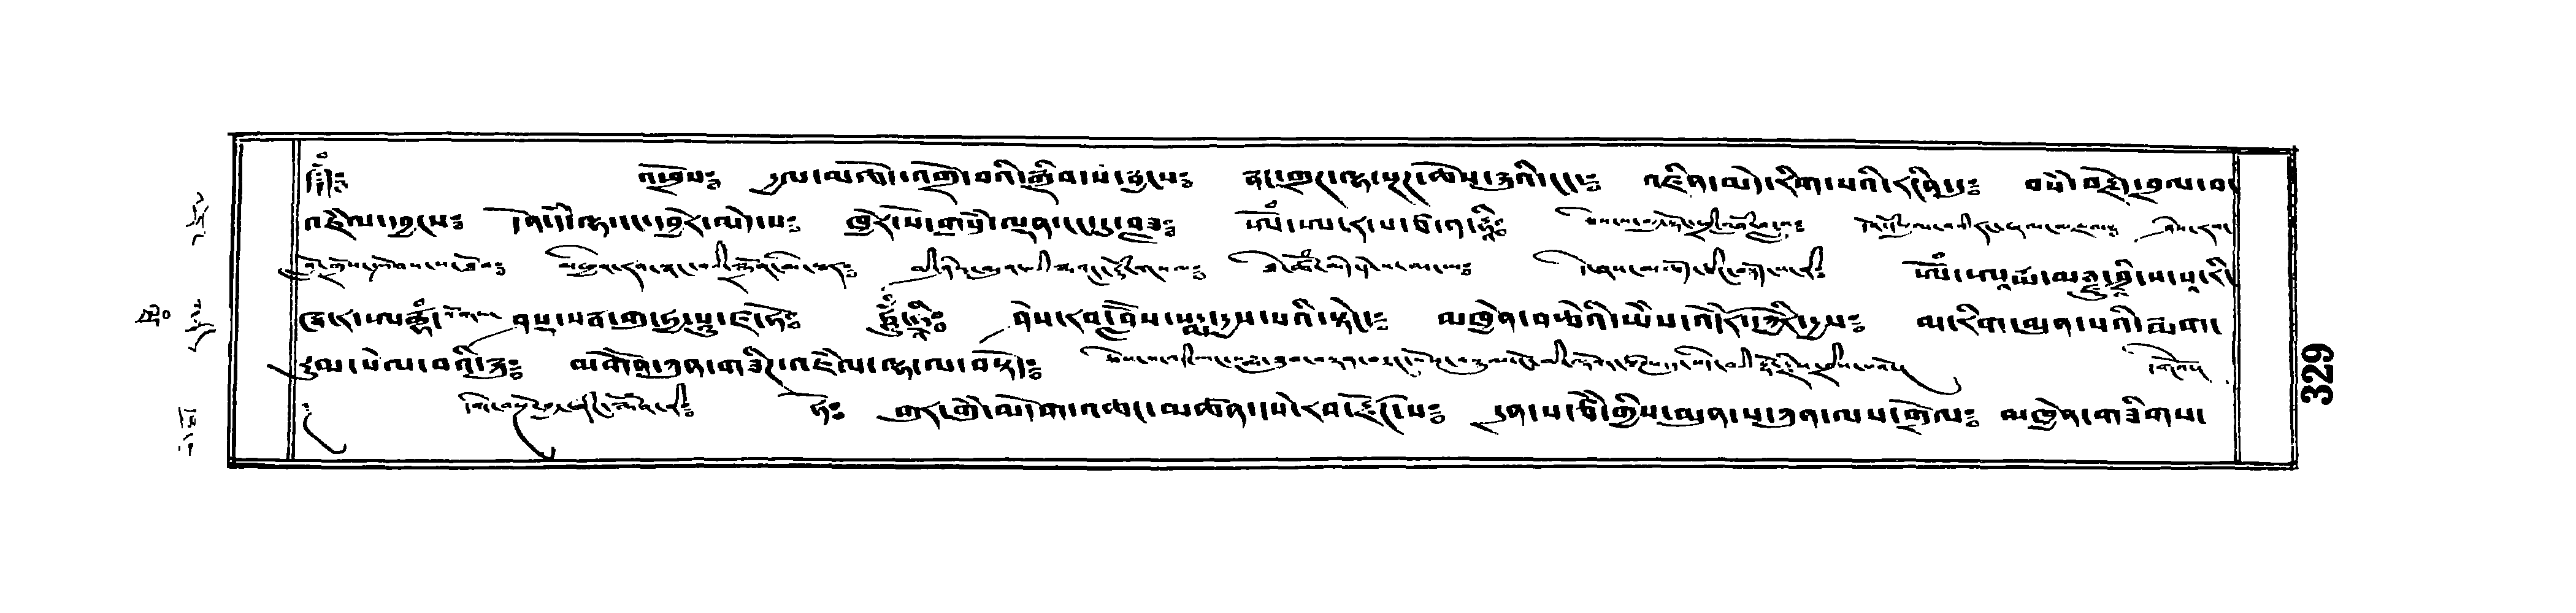འཕྲོས༔ རྒྱལ་མཆོད་འགྲོ་བའི་སྒྲིབ་པ་སྦྱངས༔ སྣང་གྲགས་ལྷ་སྔགས་ཆོས་སྐུའི་ངང༔ འཛིན་མེད་རིག་པའི་རང་བཞིན་དུ༔ བསམ་བརྗོད་བྲལ་བ་
འཇམ་དཔལ་དབྱངས༔ དོན་དམ་ལྷ་དང་དབྱེར་མེད་པ༔ ཁྱེར་སོ་གསུམ་ལྡན་ངང་དུ་བཟླ༔ ཨོཾ་ཨ་ར་པ་ཙ་ན་དྷཱིཿ ཅེས་པ་བརྒྱ་སྟོང་ཁྲི་འབུམ་བཟླ༔ དོན་དམ་རྒྱལ་བའི་རང་ཞལ་མཇལ༔ ཤེས་རབ་
བློ་གྲོས་སྤོབས་པ་ཐོབ༔ མཁྱེན་རབ་སྣང་བའི་སྒྲོན་མེ་སྦར༔ མི་ཤེས་མུན་པའི་སྨག་རུམ་གསལ༔ ཐེ་ཚོམ་མེད་དོ་ས་མ་ཡ༔ དེ་ནས་མཆོད་ཅིང་བསྟོད་པ་ནི༔ ཨོཾ་ཨཱརྻ་མཉྫུ་ཤྲཱི་ས་པཱ་རི་
ཝ་ར་ཨརྒྷཾ་སོགས། ཤཔྡ་སརྦ་གུ་ཧྱ་པཱུ་ཛ་ཧོཿ ཧཱུྃ་ཧྲཱིཿ ཤེས་རབ་བློ་གྲོས་པདྨ་རྒྱས་པའི་སྟེང༔ མཁྱེན་བརྩེའི་ཡེ་ཤེས་འོད་ཟེར་དཀྱིལ་འཁོར་རྒྱས༔ མ་རིག་མུན་པའི་སྨག་
རུམ་སེལ་བའི་སྐུ༔མགོན་པོ་ཀུན་གཟིགས་འཇམ་དཔལ་ལྷ་ལ་བསྟོད༔ ཅེས་པ་འདི་ཡང་པདྨ་ཐུབ་བསྟན་བཟང་པོའི་བསྐུལ་ངོ་མ་ལྡོག་ཙམ་དུ་བདེ་བའི་རྡོ་རྗེས་བྲིས་པ་དགེའོ།། ༈ 
དགེ་བསྔོ་བྱ་ཞིང་སྨོན་ལམ་ནི༔ ཧོཿ གུར་གུམ་མདོག་འཆང་མཚན་དཔེ་རབ་རྫོགས་པ༔ དྲན་པ་ཙམ་གྱིས་མུན་པ་ཀུན་ལས་གྲོལ༔ མཁྱེན་གཟིགས་